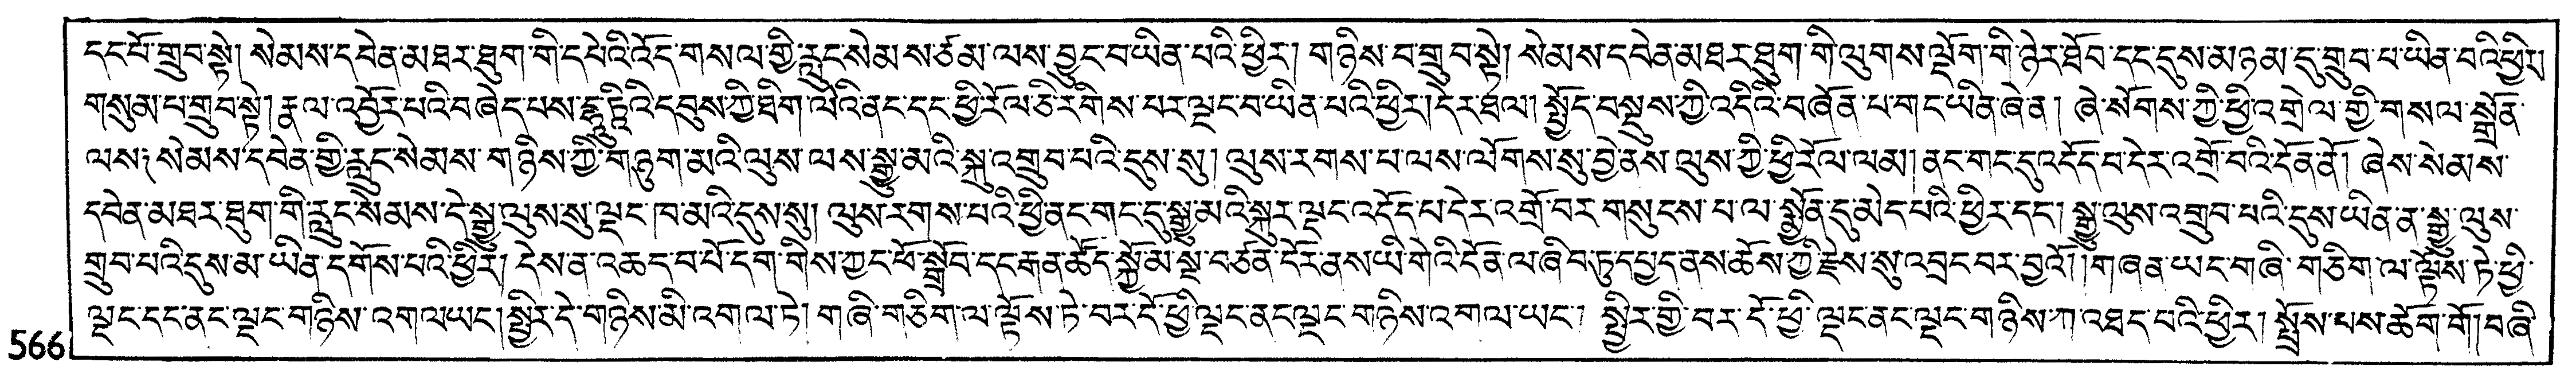དང་པོ་གྲུབ་སྟེ། སེམས་དབེན་མཐར་ཐུག་གི་དཔེའི་འོད་གསལ་གྱི་རླུང་སེམས་ཙམ་ལས་བྱུང་བ་ཡིན་པའི་ཕྱིར། གཉིས་བ་གྲུབ་སྟེ། སེམས་དབེན་མཐར་ཐུག་གི་ལུགས་ལྡོག་གི་ཉེར་ཐོབ་དང་དུས་མཉམ་དུ་གྲུབ་པ་ཡིན་པའི་ཕྱིར།
གསུམ་པ་གྲུབ་སྟེ། རྣལ་འབྱོར་པའི་བཞེད་པས་དྷཱུ་ཏཱིའི་དབུས་ཀྱི་ཐིག་ལེའི་ནང་དང་ཕྱི་རོལ་ཅི་རིགས་པར་ལྡང་བ་ཡིན་པའི་ཕྱིར། དེར་ཐལ། སྤྱོད་བསྡུས་ཀྱི་འདིའི་བཞོན་པ་གང་ཡིན་ཞེ་ན། ཞེ་སོགས་ཀྱི་ཕྱི་འགྲེལ་གྱི་གསལ་སྒྲོན་
ལས༑ སེམས་དབེན་གྱི་རླུང་སེམས་གཉིས་ཀྱི་གཉུག་མའི་ལུས་ལས་སྒྱུ་མའི་སྐུ་འགྲུབ་པའི་དུས་སུ། ལུས་རགས་པ་ལས་ལོགས་སུ་བྱེ་ནས་ལུས་ཀྱི་ཕྱི་རོལ་ལམ། ནང་གང་དུ་འདོད་པ་དེར་འགྲོ་བའི་དོན་ནོ། ཞེས་སེམས་
དབེན་མཐར་ཐུག་གི་རླུང་སེམས་དེ་སྒྱུ་ལུས་སུ་ལྡང་ཁ་མའི་དུས་སུ། ལུས་རགས་པའི་ཕྱི་ནང་གང་དུ་སྒྱུ་མའི་སྐུར་ལྡང་འདོད་པ་དེར་འགྲོ་བར་གསུངས་པ་ལ་སྨྱོན་དུ་མེད་པའི་ཕྱིར་དང་། སྒྱུ་ལུས་འགྲུབ་པའི་དུས་ཡིན་ན་སྒྱུ་ལུས་
གྲུབ་པའི་དུས་མ་ཡིན་དགོས་པའི་ཕྱིར། དེས་ན་འཆད་བ་པོ་དག་གིས་ཀྱང་ཕོ་སྒྲོབ་དང་རྒན་ཚོད་སྐྱོ་མ་སྔ་བཙན་དོར་ནས་ཡི་གེའི་དོན་ལ་ཞིབ་ཏུ་དཔྱད་ནས་ཆོས་ཀྱི་རྗེས་སུ་འབྲང་བར་བྱའོ། །གཞན་ཡང་གཞི་གཅིག་ལ་ལྟོས་ཏེ་ཕྱི་
ལྡང་དང་ནང་ལྡང་གཉིས་འགལ་ཡང་། སྤྱིར་དེ་གཉིས་མི་འགལ་ཏེ། གཞི་གཅིག་ལ་ལྟོས་ཏེ་བར་དོ་ཕྱི་ལྡང་ནང་ལྡང་གཉིས་འགལ་ཡང་། སྤྱིར་གྱི་བར་དོ་ཕྱི་ལྡང་ནང་ལྡང་གཉིས་ཀ་འཐད་པའི་ཕྱིར། སྤྲོས་པས་ཆོག་གོ །བཞི་